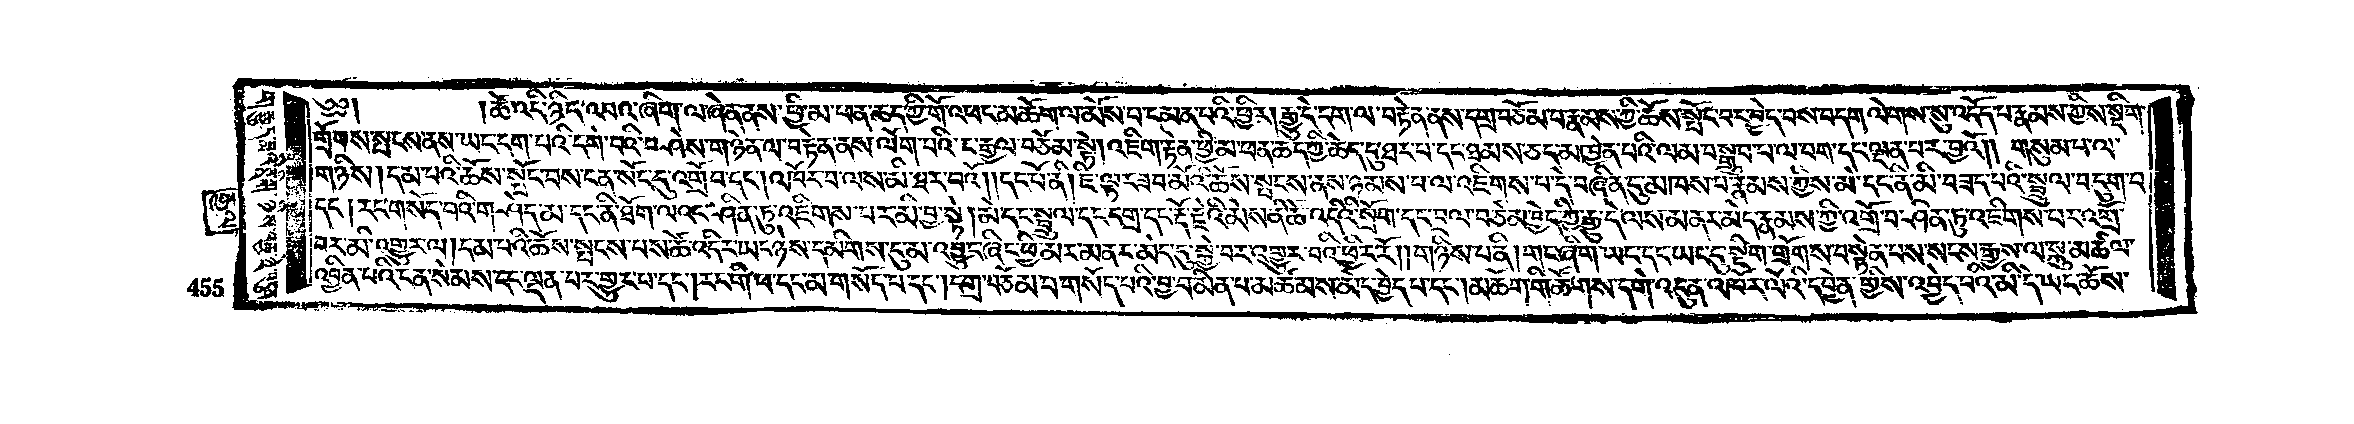༄༅། །ཚེ་འདི་ཉིད་འབའ་ཞིག་ལ་ཞེན་ནས་ཕྱི་མ་ཕན་ཆད་ཀྱི་གོ་འཕང་མཆོག་ལ་མོས་པ་དམན་པའི་ཕྱིར། རྒྱུ་དེ་དག་ལ་བརྟེན་ནས་དགྲ་བཅོམ་པ་རྣམས་ཀྱི་ཆོས་སྤོང་བར་བྱེད་པས་བདག་ལེགས་སུ་འདོད་པ་རྣམས་ཀྱིས་སྡིག་
གྲོགས་སྤངས་ནས་ཡང་དག་པའི་དགེ་བའི་བཤེས་གཉེན་ལ་བརྟེན་ནས་ལོག་པའི་ང་རྒྱལ་བཅོམ་སྟེ། འཇིག་རྟེན་ཕྱི་མ་ཕན་ཆད་ཀྱི་ཆེད་དུ་ཐར་པ་དང་ཐམས་ཅད་མཁྱེན་པའི་ལམ་བསྒྲུབ་པ་ལ་བག་དང་ལྡན་པར་བྱའོ། །གསུམ་པ་ལ་
གཉིས། དམ་པའི་ཆོས་སྤོང་བས་ངན་སོང་དུ་འགྲོ་བ་དང་། འཁོར་བ་ལས་མི་ཐར་པའོ། །དང་པོ་ནི། ཇི་ལྟར་ཟབ་མོའི་ཆོས་སྤངས་ནས་ཉམས་པ་ལ་འཇིགས་པ་དེ་བཞིན་དུ་མཁས་པ་རྣམས་ཀྱིས་མེ་དང་ནི་མི་བཟད་པའི་སྤྲུལ་བདུག་པ་
དང༑ རང་གསོད་པའི་གཤེད་མ་དང་ནི་ཐོག་ལའང་ཤིན་ཏུ་འཇིགས་པར་མི་བྱ་སྟེ། མེ་དང་སྤྲུལ་དང་རྡོ་རྗེའི་མེས་ནི་ཚེ་འདིའི་སྲོག་དང་བྲལ་བ་ཙམ་བྱེད་ཀྱི་རྒྱུ་དེ་ལས་མནར་མེད་རྣམས་ཀྱི་འགྲོ་བ་ཤིན་ཏུ་འཇིགས་པར་འགྲོ་
བར་མི་འགྱུར་ལ། དམ་པའི་ཆོས་སྤངས་པས་ཚེ་འདིར་ཡང་ཉེས་དམིགས་དུ་མ་འབྱུང་ཞིང་ཕྱི་མར་མནར་མེད་དུ་སྐྱེ་བར་འགྱུར་བའི་ཕྱིར་རོ། །གཉིས་པ་ནི། གང་ཞིག་ཡང་དང་ཡང་དུ་སྡིག་གྲོགས་བསྟེན་པས་སངས་རྒྱས་ལ་སྐུ་མཚལ་
འབྱིན་པའི་ངན་སེམས་དང་ལྡན་པར་གྱུར་པ་དང་། རང་གི་ཕ་དང་མ་གསོད་པ་དང་། དགྲ་བཅོམ་པ་གསོད་པའི་བྱ་བ་མིན་པ་མཚམས་མེད་བྱེད་པ་དང་། མཆོག་གི་ཚོགས་དགེ་འདུན་འཁོར་ལོའི་དབྱེན་གྱིས་འབྱེད་པའི་མི་ཡང་ཆོས་